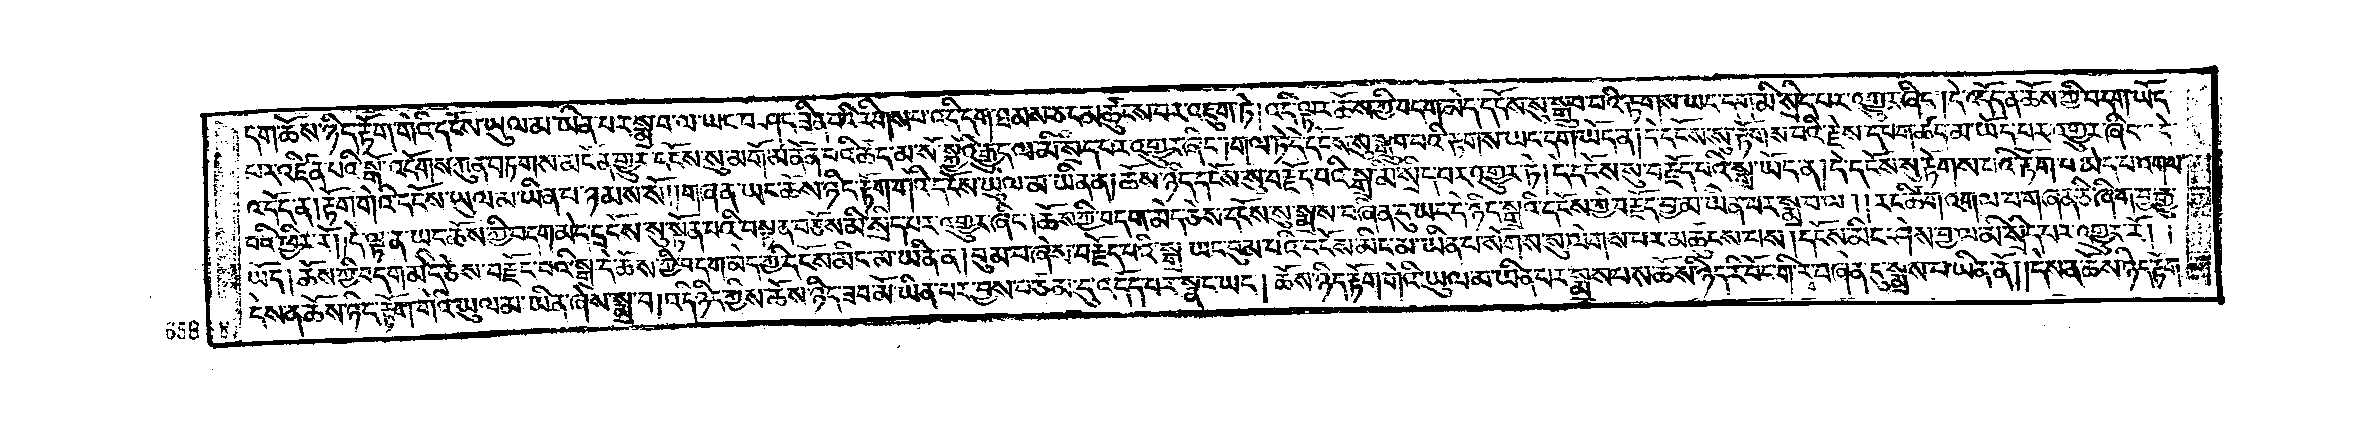དག་ཆོས་ཉིད་རྟོག་གེའི་དངོས་ཡུལ་མ་ཡིན་པར་སྨྲ་བ་ལ་ཡང་བཤད་ཟིན་པའི་རིགས་པ་འདི་དག་ཐམས་ཅད་མཚུངས་པར་འཇུག་ཏེ། འདི་ལྟར་ཆོས་ཀྱི་བདག་མེད་དངོས་སུ་སྒྲུབ་པའི་རྟགས་ཡང་དག་མི་སྲིད་པར་འགྱུར་ཞིང་། དེ་འདོད་ན་ཆོས་ཀྱི་བདག་ཡོད་
པར་འཛིན་པའི་སྒོ་འདོགས་ཀུན་བཏགས་མངོན་གྱུར་དངོས་སུ་མགོ་མནོན་པའི་ཚད་མ་སོ་སྐྱེའི་རྒྱུད་ལ་མི་སྲིད་པར་འགྱུར་ཞིང་། གལ་ཏེ་དེ་དངོས་སུ་སྒྲུབ་པའི་རྟགས་ཡང་དག་ཡོད་ན། དེ་དངོས་སུ་རྟོགས་པའི་རྗེས་དཔག་ཚད་མ་ཡོད་པར་འགྱུར་ཞིང་དེ་
འདོད་ན། རྟོག་གེའི་དངོས་ཡུལ་མ་ཡིན་པ་ཉམས་སོ། །གཞན་ཡང་ཆོས་ཉིད་རྟོག་གེའི་དངོས་ཡུལ་མ་ཡིན་ན། ཆོས་ཉིད་དངོས་སུ་བརྗོད་པའི་སྒྲ་མི་སྲིད་པར་འགྱུར་ཏེ། དེ་དངོས་སུ་བརྗོད་པའི་སྒྲ་ཡོད་ན། དེ་དངོས་སུ་རྟོགས་པའི་རྟོག་པ་མེད་པ་འགལ་
བའི་ཕྱིར་རོ། །དེ་ལྟ་ན་ཡང་ཆོས་ཀྱི་བདག་མེད་དངོས་སུ་སྟོན་པའི་བསྟན་བཅོས་མི་སྲིད་པར་འགྱུར་ཞིང་། ཆོས་ཀྱི་བདག་མེད་ཅེས་དངོས་སུ་སྨྲས་བཞིན་དུ་ཡང་དེ་ཉིད་སྒྲའི་དངོས་ཀྱི་བརྗོད་བྱ་མ་ཡིན་པར་སྨྲ་བ་ལ། །རང་ཚིག་འགལ་པ་གཞན་ཅི་ཞིག་བྱ་རྒྱུ་
ཡོད། ཆོས་ཀྱི་བདག་མེད་ཅེས་བརྗོད་པའི་སྒྲ་དེ་ཆོས་ཀྱི་བདག་མེད་ཀྱི་དངོས་མིང་མ་ཡིན་ན། བུམ་པ་ཞེས་བརྗོད་པའི་སྒྲ་ཡང་བུམ་པའི་དངོས་མིང་མ་ཡིན་པ་སོགས་སུ་ལེགས་པར་མཚུངས་པས། དངོས་མིང་ཤེས་བྱ་ལ་མི་སྲིད་པར་འགྱུར་རོ། །
དེས་ན་ཆོས་ཉིད་རྟོག་གེའི་ཡུལ་མ་ཡིན་ཞེས་སྨྲ་བ། འདི་ཉིད་ཀྱིས་ཆོས་ཉིད་ཟབ་མོ་ཡིན་པར་བྱས་པ་ཙམ་དུ་འདོད་པར་སྣང་ཡང་། ཆོས་ཉིད་རྟོག་གེའི་ཡུལ་མ་ཡིན་པར་སྨྲས་པས་ཆོས་ཉིད་རི་སྦོང་གི་རྭ་བཞིན་དུ་སྨྲས་པ་ཡིན་ནོ། །དེས་ན་ཆོས་ཉིད་རྟོག་